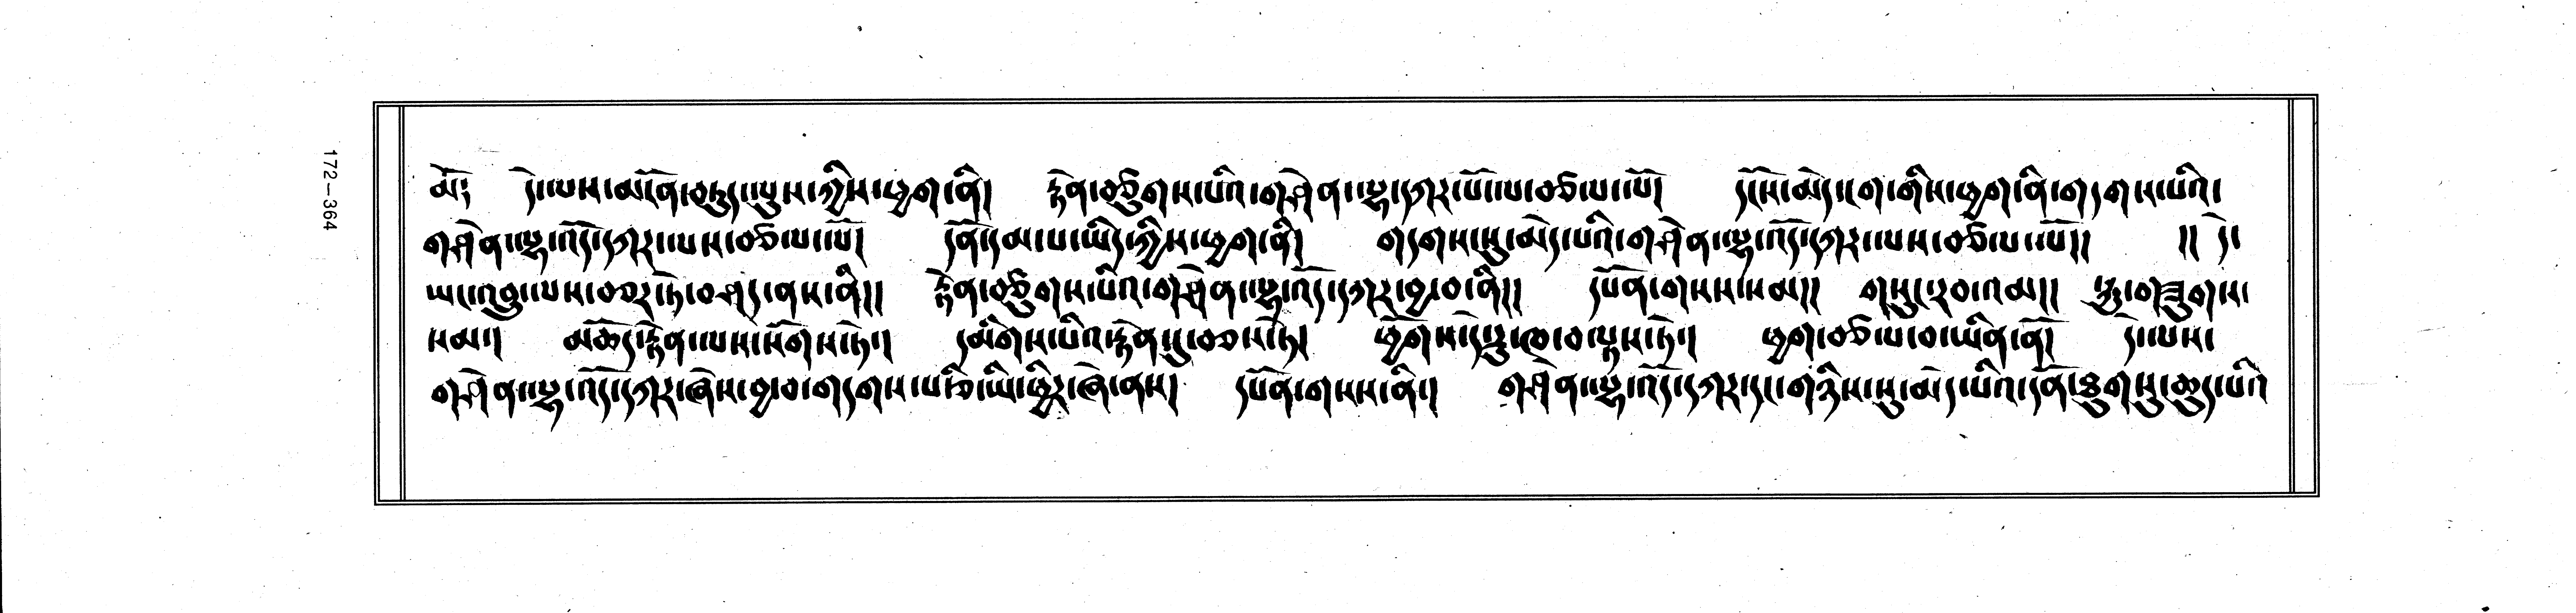མོ། དེ་ལས་མངོན་བཏུད་ལུས་ཀྱིས་ཕྱག་ནི། རྟེན་བཙུགས་པའི་གཤེན་ལྷ་དཀར་པོ་ལ་བཙལ་ལོ། དངོས་མེད་ངག་གིས་ཕྱག་ནི་གདགས་པའི་
གཤེན་ལྷ་འོད་དཀར་ལས་བཙལ་ལོ། དོན་དམ་པ་ཡིད་ཀྱིས་ཕྱག་ནི། གདགས་སུ་མེད་པའི་གཤེན་ལྷ་འོད་དཀར་ལས་བཙལ་ལོ། དེ་
ཡང་འབྲུ་ལས་བཅར་ཏེ་བཤད་ནས་ནི། རྟེན་བཙུགས་པའི་གཤེན་ལྷ་འོད་དཀར་བྱ་བ་ནི། དཔོན་གསས་སམ། གསུང་རབ་འམ། སྐུ་གཟུགས་
སམ། མཆོད་རྟེན་ལས་སོགས་ཏེ། དམིགས་པའི་རྟེན་དུ་བཅས་ཏེ། ཕྱོགས་དེ་རུ་ཁ་བལྟས་ཏེ། ཕྱག་བཙལ་བ་ཡིན་ནོ། དེ་ལས་
གཤེན་ལྷ་འོད་དཀར་ཞེས་བྱ་བ་གདགས་པ་ཅི་ཡི་ཕྱིར་ཞེ་ནས། དཔོན་གསས་ནི། གཤེན་ལྷ་འོད་དཀར་དང་གཉིས་སུ་མེད་པའི་དོན་ཐུགས་སུ་ཆུད་པའི་